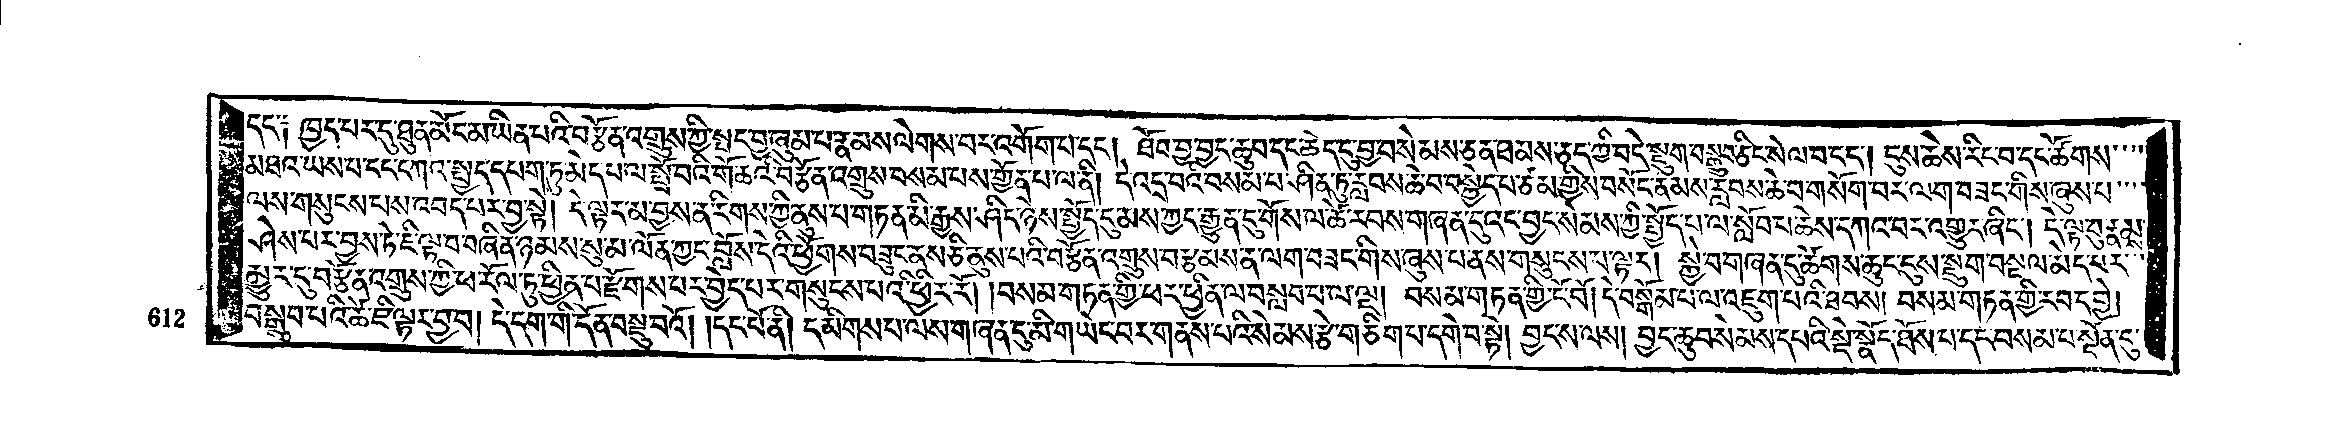དང༑ ཁྱད་པར་དུ་ཐུན་མོང་མ་ཡིན་པའི་བརྩོན་འགྲུས་ཀྱི་སྤང་བྱ་ཞུམ་པ་རྣམས་ལེགས་པར་འགོག་པ་དང་། ཐོབ་བྱ་བྱང་ཆུབ་དང་ཆེད་དུ་བྱ་བ་སེམས་ཅན་ཐམས་ཅད་ཀྱི་བདེ་སྡུག་བསྒྲུབ་ཅིང་སེལ་བ་དང་། དུས་ཆེས་རིང་བ་དང་ཚོགས་
མཐའ་ཡས་པ་དང་དཀའ་སྤྱད་དཔག་ཏུ་མེད་པ་ལ་སྤྲོ་བའི་གོ་ཆའི་བརྩོན་འགྲུས་བསམ་པས་གྱོན་པ་ལ་ནི། དེ་འདྲ་བའི་བསམ་པ་ཤིན་ཏུ་རླབས་ཆེ་བ་བསྐྱེད་པ་ཙམ་གྱིས་བསོད་ནམས་རླབས་ཆེ་བ་གསོག་པར་ལག་བཟང་གིས་ཞུས་པ་
ལས་གསུངས་པས་འབད་པར་བྱ་སྟེ། དེ་ལྟར་མ་བྱས་ན་རིགས་ཀྱི་ནུས་པ་གཏན་མི་རྒྱས་ཤིང་ཉེས་སྤྱོད་དུ་མས་ཀྱང་རྒྱུན་དུ་གོས་ལ་ཚེ་རབས་གཞན་དུའང་བྱང་སེམས་ཀྱི་སྤྱོད་པ་ལ་སློབ་པ་ཆེས་དཀའ་བར་འགྱུར་ཞིང་། དེ་ལྟ་བུ་རྣམས་
ཤེས་པར་བྱས་ཏེ་ཇི་ལྟ་བ་བཞིན་ཉམས་སུ་མ་ལོན་ཀྱང་བློས་དེའི་ཕྱོགས་བཟུང་ནས་ཅི་ནུས་པའི་བརྩོན་འགྲུས་བརྩམས་ན་ལག་བཟང་གིས་ཞུས་པ་ནས་གསུངས་པ་ལྟར། སྐྱེ་བ་གཞན་དུ་ཚེགས་ཆུང་ངུས་སྡུག་བསྔལ་མེད་པར་
མྱུར་དུ་བརྩོན་འགྲུས་ཀྱི་ཕ་རོལ་ཏུ་ཕྱིན་པ་རྫོགས་པར་བྱེད་པར་གསུངས་པའི་ཕྱིར་རོ། །བསམ་གཏན་གྱི་ཕར་ཕྱིན་ལ་བསླབ་པ་ལ་ལྔ། བསམ་གཏན་གྱི་ངོ་བོ། དེ་བསྒོམ་པ་ལ་འཇུག་པའི་ཐབས། བསམ་གཏན་གྱི་རབ་དབྱེ།
བསྒྲུབ་པའི་ཚེ་ཇི་ལྟར་བྱ་བ། དེ་དག་གི་དོན་བསྡུ་བའོ། །དང་པོ་ནི། དམིགས་པ་ལས་གཞན་དུ་མི་གཡེང་བར་གནས་པའི་སེམས་རྩེ་གཅིག་བ་དགེ་བསྟེ། བྱང་ས་ལས། བྱང་ཆུབ་སེམས་དཔའི་སྡེ་སྣོད་ཐོས་པ་དང་བསམ་པ་སྔོན་དུ་